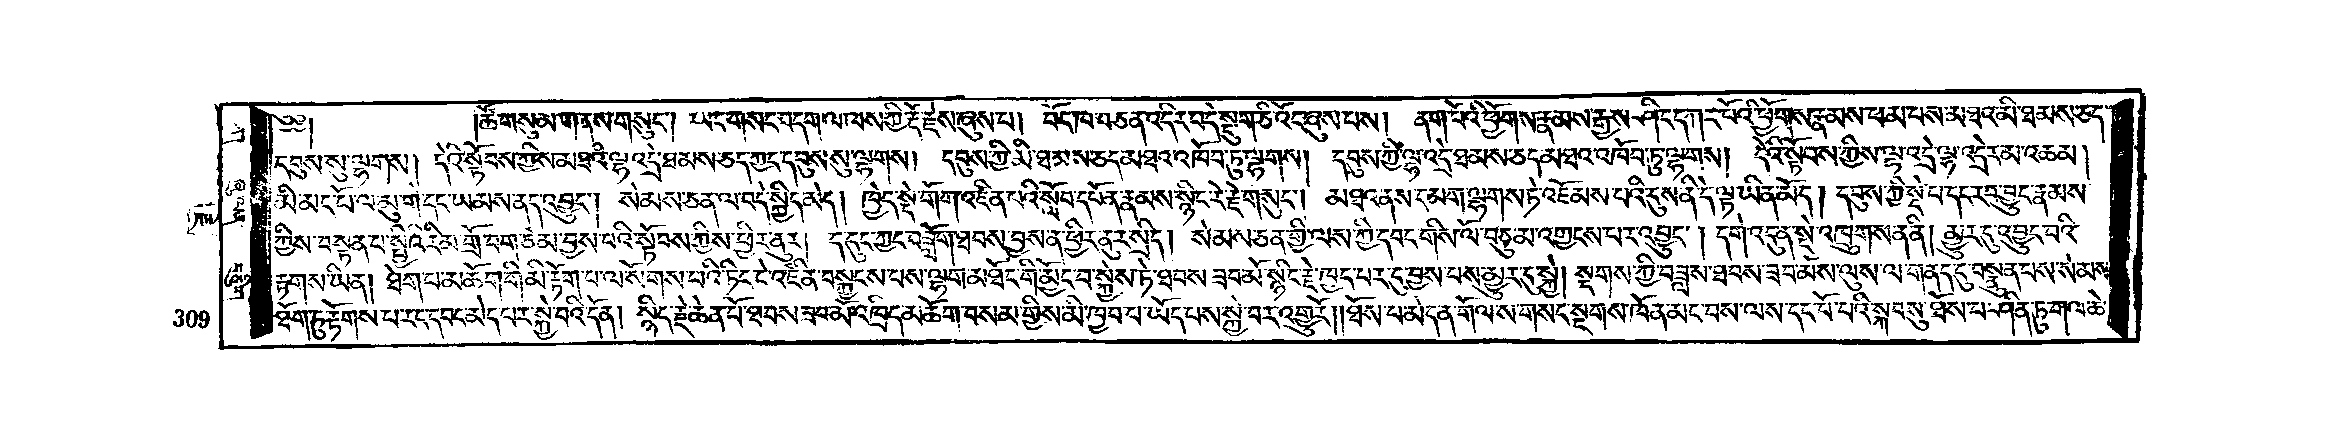༄༅། །ཚོ་གསུམ་གནས་གསུང་། ཡང་གསང་བདག་ལ་ལས་ཀྱི་རྡོ་རྗེས་ཞུས་པ། བོད་ཁ་བ་ཅན་འདིར་བདེ་སྡུག་ཅི་འོང་ཞུས་པས། ནག་པོའི་ཕྱོགས་རྣམས་རྒྱས་ཤིང་དཀར་པོའི་ཕྱོགས་རྣམས་ཕམ་པས་མཐའ་མི་ཐམས་ཅད་
དབུས་སུ་ལྷགས། དེའི་སྟོབས་ཀྱིས་མཐའི་ལྷ་འདྲེ་ཐམས་ཅད་ཀྱང་དབུས་སུ་ལྷགས། དབུས་ཀྱི་མི་ཐམས་ཅད་མཐའ་འཁོབ་ཏུ་ལྷགས། དབུས་ཀྱི་ལྷ་འདྲེ་ཐམས་ཅད་མཐའ་འཁོབ་ཏུ་ལྷགས། དེའི་སྟོབས་ཀྱིས་ལྷ་འདྲེ་ལྷ་འདྲེར་མ་འཆམ།
མི་མང་པོ་ལ་མུ་གེ་དང་ཡམས་ནད་འབྱུང་། སེམས་ཅན་ལ་བདེ་སྐྱིད་མེད། ཁྱེད་སྡེ་གོག་འཛིན་པའི་སློབ་དཔོན་རྣམས་སྙིང་རེ་རྗེ་གསུང་། མཐའ་ནས་དམག་ལྷགས་ཏེ་འཇོམས་པའི་དུས་ནི་དེ་ལྟ་ཡིན་མོད། དབུས་ཀྱི་སྡེ་པ་དང་རབ་བྱུང་རྣམས་
ཀྱིས་བསྟན་པ་སྤྱིའི་རིམ་གྲོ་བག་ཙམ་བྱས་པའི་སྟོབས་ཀྱིས་ཕྱིར་ནུར། ད་དུང་ཀྱང་བཟློག་ཐབས་བྱས་ན་ཕྱིར་ནུར་སྲིད། སེམས་ཅན་གྱི་ལས་ཀྱི་དབང་གིས་ལོ་བཅུ་མ་འགྱངས་པར་འབྱུང་། དགེ་འདུན་སྡེ་འཁྲུགས་ན་ནི། མྱུར་དུ་འབྱུང་བའི་
རྟགས་ཡིན། ཐེག་པ་མཆོག་གི་མི་རྟོག་པ་ལ་སོགས་པའི་ཏིང་ངེ་འཛིན་བསྐྱངས་པས་ལྷག་མཐོང་གི་མྱོང་བ་སྐྱེས་ཏེ་ཐབས་ཟབ་མོ་སྙིང་རྗེ་ཁྱད་པར་དུ་བྱས་པས་མྱུར་དུ་སྐྱེ། སྔགས་ཀྱི་བཟླས་ཐབས་ཟབ་མོས་ལུས་ལ་གནད་དུ་བསྣུན་པས་སེམས་
ཐོག་ཏུ་རྟོགས་པ་རང་དབང་མེད་པར་སྐྱེ་བའི་དོན། སྙིང་རྗེ་ཆེན་པོ་ཐབས་ཟབ་མོ་འཁྲིད་མཆོག་བསམ་གྱིས་མི་ཁྱབ་པ་ཡོད་པས་སྐྱེ་བར་འགྱུར་རོ། །ཐོས་པ་མེད་ན་གོལ་ས་གསང་སྔགས་ཁོ་ན་མང་བས་ལས་དང་པོ་པའི་སྐབས་སུ་ཐོས་པ་ཤིན་ཏུ་གལ་ཆེ་